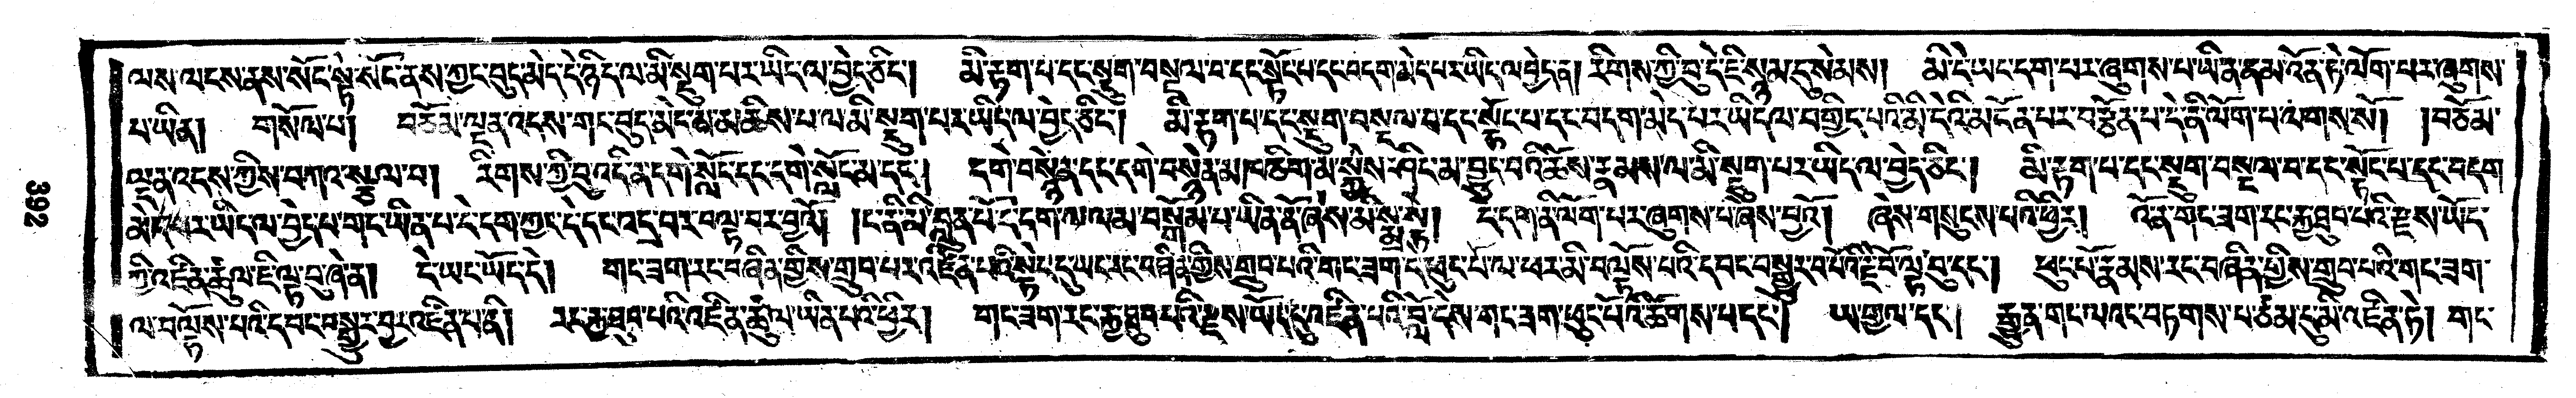ལས་ལངས་ནས་སོང་སྟེ་སོང་ནས་ཀྱང་བུད་མེད་དེ་ཉིད་ལ་མི་སྡུག་པར་ཡིད་ལ་བྱེད་ཅིང་། མི་རྟག་པ་དང་སྡུག་བསྔལ་བ་དང་སྟོང་པ་དང་བདག་མེད་པར་ཡིད་ལ་བྱེད་ན། རིགས་ཀྱི་བུ་དེ་ཇི་སྙམ་དུ་སེམས། མི་དེ་ཡང་དག་པར་ཞུགས་པ་ཡིན་ནམ་འོན་ཏེ་ལོག་པར་ཞུགས་
པ་ཡིན། གསོལ་པ། བཅོམ་ལྡན་འདས་གང་བུད་མེད་མ་མཆིས་པ་ལ་མི་སྡུག་པར་ཡིད་ལ་བྱེད་ཅིང་། མི་རྟག་པ་དང་སྡུག་བསྔལ་བ་དང་སྟོང་པ་དང་བདག་མེད་པར་ཡིད་ལ་བགྱིད་པའི་མི་དེའི་མངོན་པར་བརྩོན་པ་དེ་ནི་ལོག་པ་ལགས་སོ། །བཅོམ་
ལྡན་འདས་ཀྱིས་བཀའ་སྩལ་བ། རིགས་ཀྱི་བུ་འདི་ན་དགེ་སློང་དང་དགེ་སློང་མ་དང་། དགེ་བསྙེན་དང་དགེ་བསྙེན་ཁ་ཅིག་མ་སྐྱེས་ཤིང་མ་བྱུང་བའི་ཆོས་རྣམས་ལ་མི་སྡུག་པར་ཡིད་ལ་བྱེད་ཅིང་། མི་རྟག་པ་དང་སྡུག་བསྔལ་བ་དང་སྟོང་པ་དང་བདག་
མེད་པར་ཡིད་ལ་བྱེད་པ་གང་ཡིན་པ་དེ་དག་ཀྱང་དེ་དང་འདྲ་བར་བལྟ་བར་བྱའོ། །ང་ནི་མི་བླུན་པོ་དེ་དག་ལ་ལམ་བསྒོམ་པ་ཡིན་ནོ་ཞེས་མི་སྨྲ་སྟེ། དེ་དག་ནི་ལོག་པར་ཞུགས་པ་ཞེས་བྱའོ། ཞེས་གསུངས་པའི་ཕྱིར། འོ་ན་གང་ཟག་རང་རྐྱ་ཐུབ་པའི་རྫས་ཡོད་
ཀྱི་འཛིན་ཚུལ་ཇི་ལྟ་བུ་ཞེ་ན། དེ་ཡང་ཡོད་དེ། གང་ཟག་རང་བཞིན་གྱིས་གྲུབ་པར་འཛིན་པའི་སྟེང་དུ་ཡང་རང་བཞིན་གྱིས་གྲུབ་པའི་གང་ཟག་དེ་ཕུང་པོ་ལ་ཕར་མི་བལྟོས་པའི་དབང་བསྒྱུར་བ་པོའི་རྗེ་བོ་ལྟ་བུ་དང་། ཕུང་པོ་རྣམས་རང་བཞིན་གྱིས་གྲུབ་པའི་གང་ཟག་
ལ་བལྟོས་པའི་དབང་བསྒྱུར་བྱར་འཛིན་པ་ནི། རང་རྐྱ་ཐུབ་པའི་འཛིན་ཚུལ་ཡིན་པའི་ཕྱིར། གང་ཟག་རང་རྐྱ་ཐུབ་པའི་རྫས་ཡོད་དུ་འཛིན་པའི་བློ་དེས་གང་ཟག་ཕུང་པོའི་ཚོགས་པ་དང་། ཡ་གྱལ་དང་། རྒྱུན་གང་ལའང་བཏགས་པ་ཙམ་དུ་མི་འཛིན་ཏེ། གང་